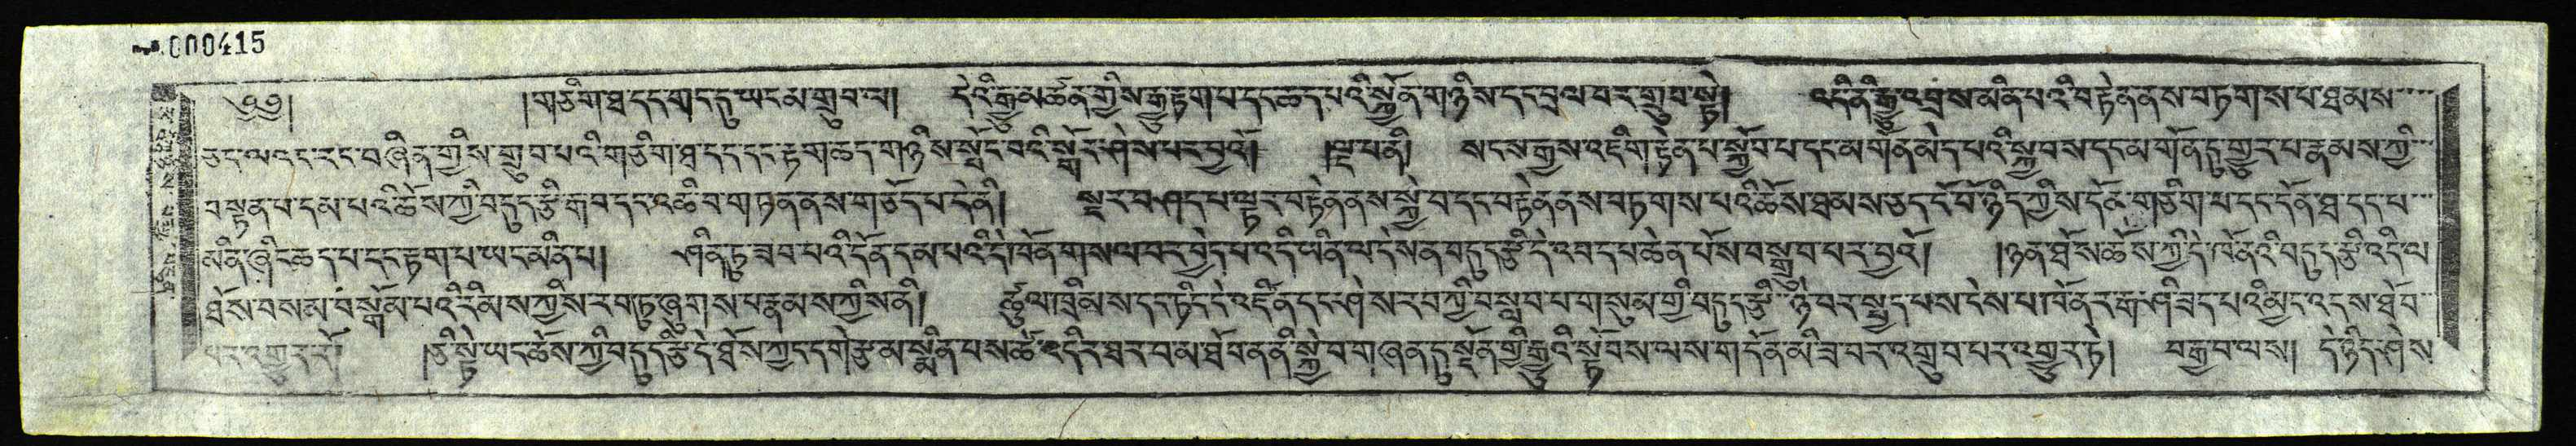༄༅། །གཅིག་ཐ་དད་གང་དུ་ཡང་མ་གྲུབ་ལ། དེའི་རྒྱུ་མཚན་གྱིས་རྒྱུ་རྟག་པ་དང་ཆད་པའི་སྐྱོན་གཉིས་དང་བྲལ་བར་གྲུབ་སྟེ། འདི་ནི་རྒྱུ་འབྲས་མིན་པའི་བརྟེན་ནས་བཏགས་པ་ཐམས་
ཅད་ལའང་རང་བཞིན་གྱིས་གྲུབ་པའི་གཅིག་ཐ་དད་དང་རྟག་ཆད་གཉིས་སྤོང་བའི་སྒོར་ཤེས་པར་བྱའོ། །ལྔ་པ་ནི། སངས་རྒྱས་འཇིག་རྟེན་པ་སྐྱོབ་པ་དང་མགོན་མེད་པའི་སྐྱབས་དང་མགོན་དུ་གྱུར་པ་རྣམས་ཀྱི་
བསྟན་པ་དམ་པའི་ཆོས་ཀྱི་བདུད་རྩི་རྒ་བ་དང་འཆི་བ་གཏན་ནས་གཅོད་པ་དེ་ནི། སྔར་བཤད་པ་ལྟར་བརྟེན་ནས་སྐྱེ་བ་དང་བརྟེན་ནས་བཏགས་པའི་ཆོས་ཐམས་ཅད་ངོ་བོ་ཉིད་ཀྱིས་དོན་གཅིག་པ་དང་དོན་ཐ་དད་པ་
མིན་ཞིང་ཆད་པ་དང་རྟག་པ་ཡང་མིན་པ། ཤིན་ཏུ་ཟབ་པའི་དོན་དམ་པའི་དེ་ཁོ་ན་གསལ་བར་བྱེད་པ་འདི་ཡིན་ལ་དེས་ན་བདུད་རྩི་དེ་འབད་པ་ཆེན་པོས་བསྒྲུབ་པར་བྱའོ། །ཉན་ཐོས་ཆོས་ཀྱི་དེ་ཁོ་ནའི་བདུད་རྩི་འདི་ལ་
ཐོས་བསམ་བསྒོམ་པའི་རིམས་ཀྱིས་རབ་ཏུ་ཞུགས་པ་རྣམས་ཀྱིས་ནི། ཚུལ་ཁྲིམས་དང་ཏིང་ངེ་འཛིན་དང་ཤེས་རབ་ཀྱི་བསླབ་པ་གསུམ་གྱི་བདུད་རྩི་ཉེ་བར་སྤྱད་པས་ངེས་པ་ཁོ་ནར་རྒ་ཤི་ཟད་པའི་མྱང་འདས་ཐོབ་
པར་འགྱུར་རོ། །ཅི་སྟེ་ཡང་ཆོས་ཀྱི་བདུད་རྩི་དེ་ཐོས་ཀྱང་དགེ་རྩ་མ་སྨིན་པས་ཚེ་འདིར་ཐར་བ་མ་ཐོབ་ན་ནི་སྐྱེ་བ་གཞན་དུ་སྔོན་གྱི་རྒྱུའི་སྟོབས་ལས་གདོན་མི་ཟ་བར་འགྲུབ་པར་འགྱུར་ཏེ། བརྒྱ་བ་ལས། དེ་ཉིད་ཤེས་